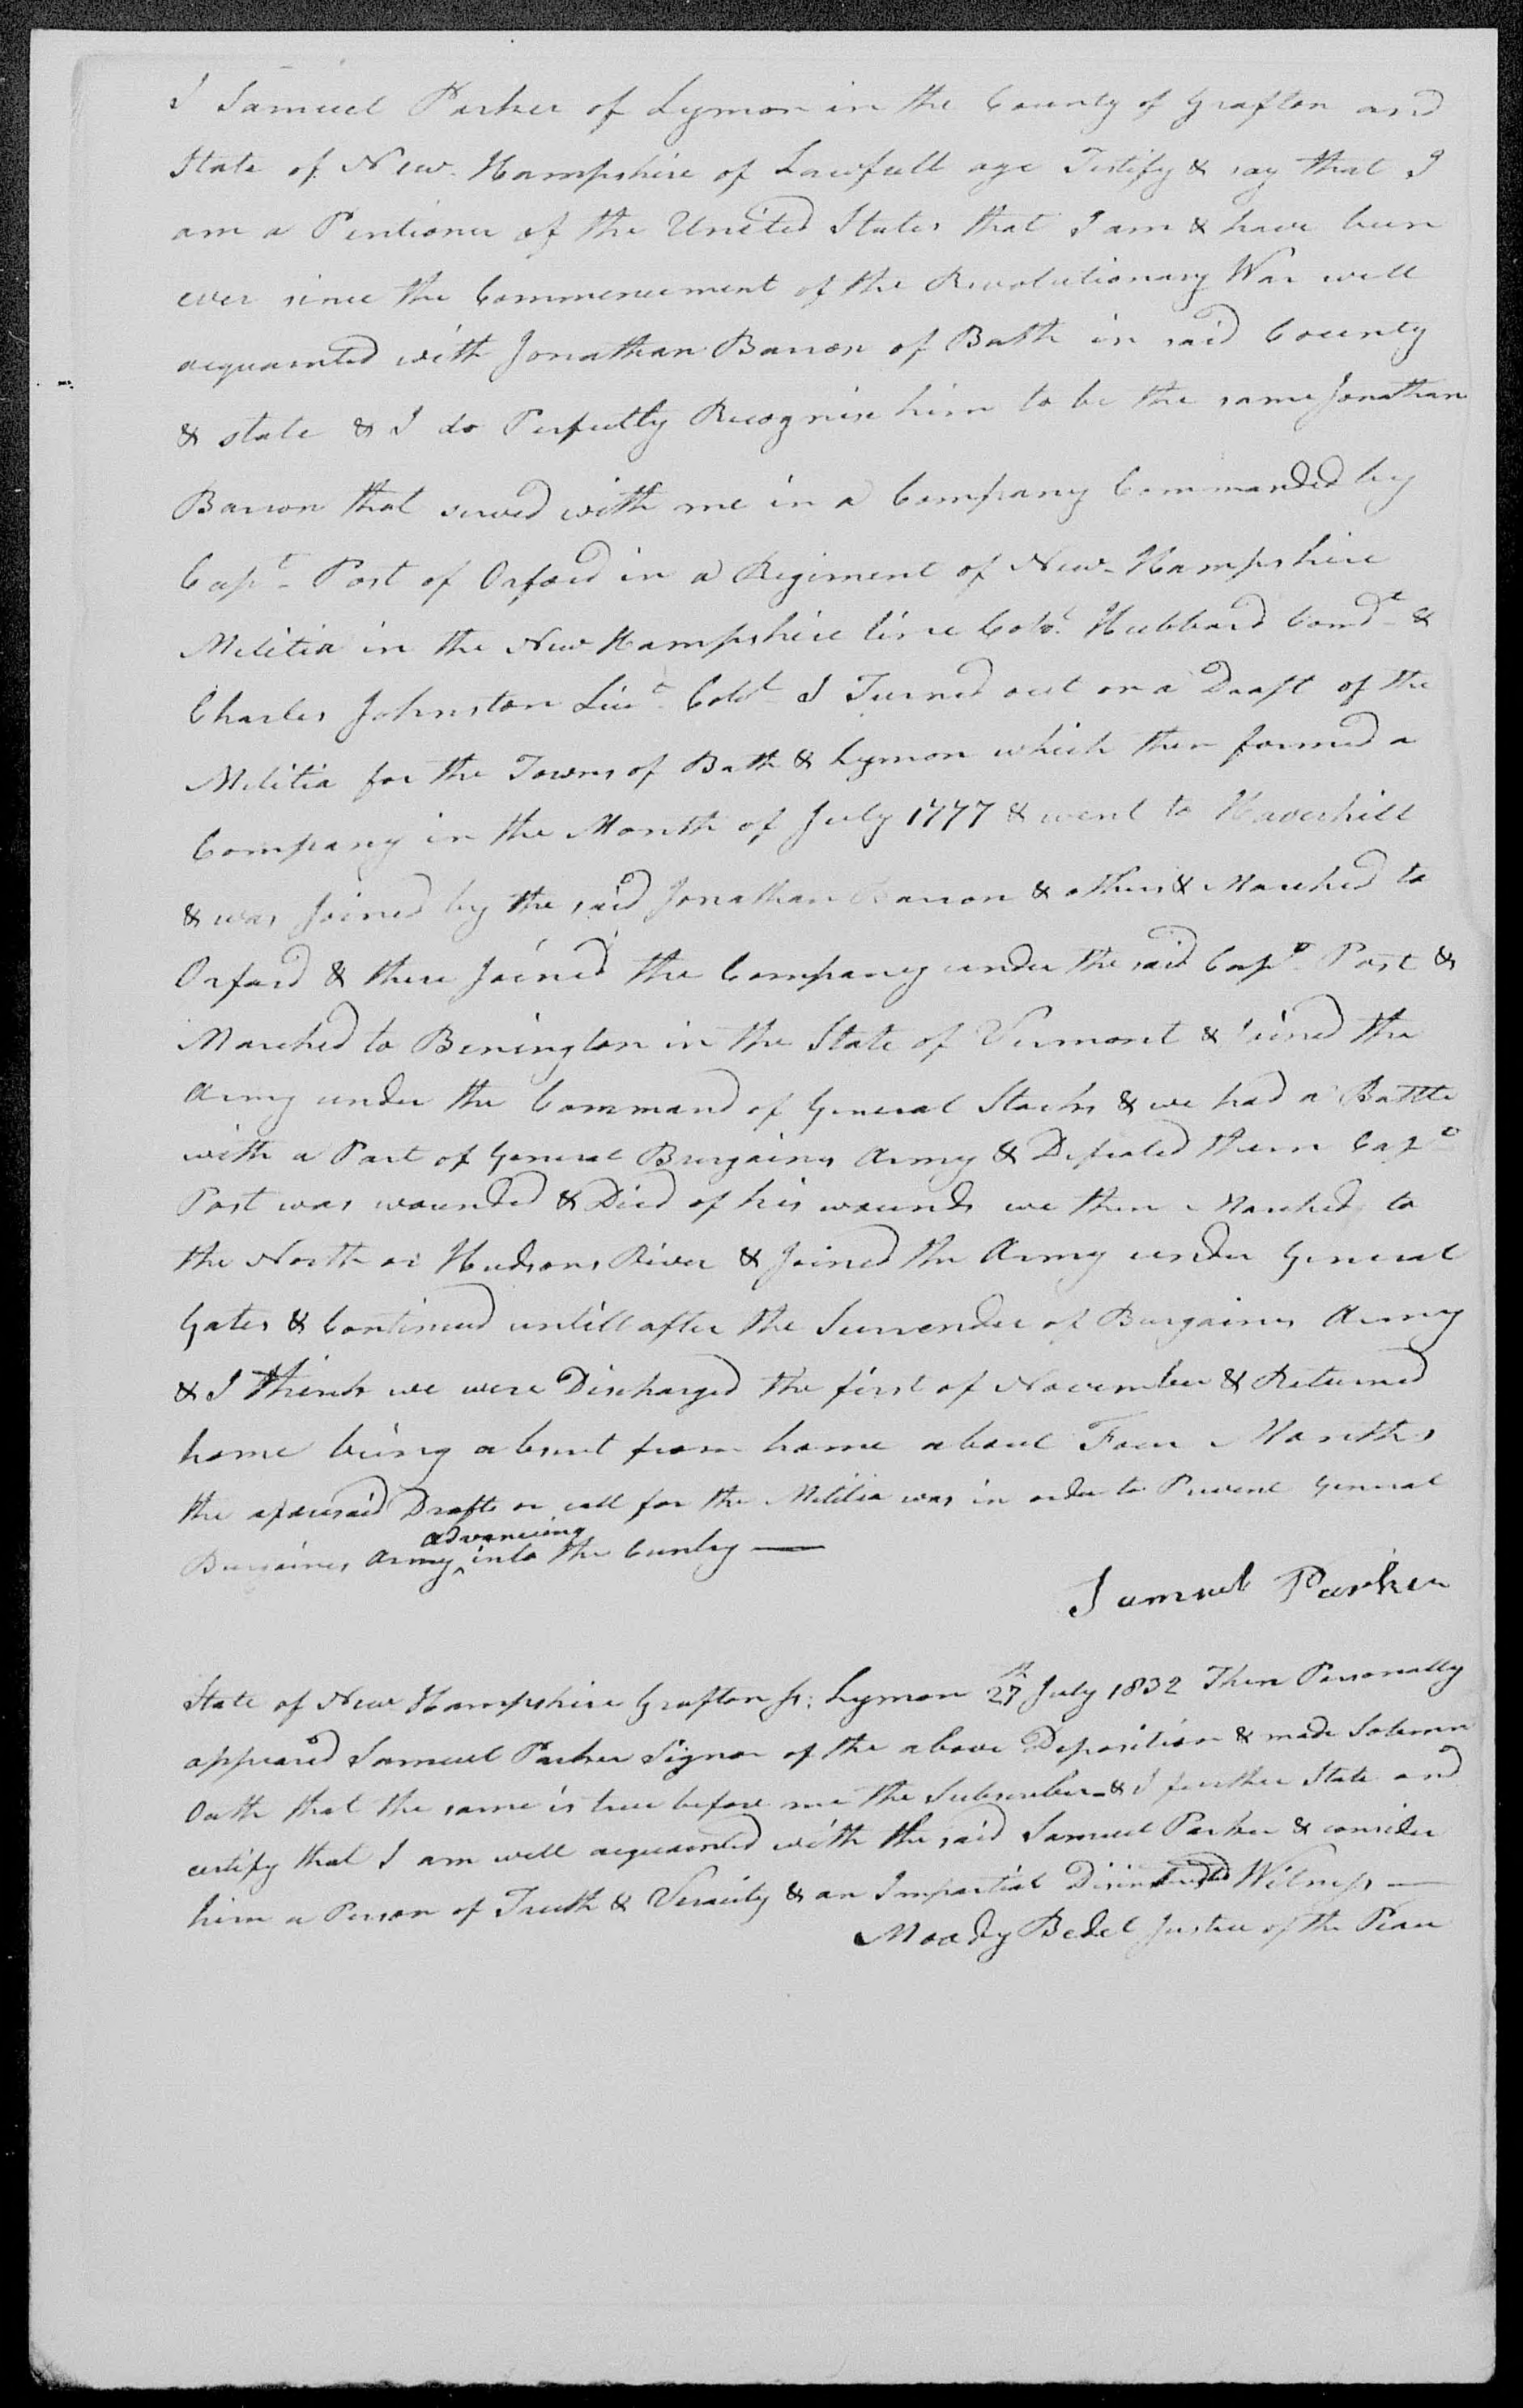I Samuel Parker of Lyman in the County of Grafton and State of New Hampshire of Lawfull age Testify & say that I am a Pentioner of the United States that I am & have been ever since the Commencement of the Revolutionary War well acquainted with Jonathan Barron of Bath in said County & state & I do Perfectly Recognise him to be the same Jonathan Barron that served with me in a Company Commanded by Cap't Post of Oxford in a Regiment of New Hampshire Militia in the New Hampshire line Colo'l Hubbard Comd'r & Charles Johnston Lieu't Colo'l I Turned out on a Draft of the Militia for the Towns of Bath & Lyman which then formed a Company in the Month of July 1777 & went to Haverhill & was joined by the said Jonathan Barron & others & marched to Oxford & there joined the Company under the said Cap't Post & Marched to Benington in the State of Vermont & joined the Army under the Command of General Stark & we had a Battle with a Part of General Burgoine's (Burgoyne) Army & Defeated the Cap'n Post was wounded & died of his wounds we then marched to the North at Hudson River & Joined the Army under General Gates & Continued untill after the Surrender of Burgoine's (Burgoyne) Army & I think we were Discharged the first of November & Returned home being absent from home about Four Months the aforesaid Drafts or call for the Militia was in order to Prevent General Burgoine's (Burgoyne) Army advancing into the Country - 
/s/Samuel Parker
State of New Hampshire Grafton ss: Lyman 27th July 1832 Then Personally appeared Samuel Parker Signor of the above Deposition & made Solemn Oath that the same is true before me the Subscriber & I further State and certify that I am well acquainted with the said Samuel Parker & consider him a Person of Truth & Veracity & an Impartial Disinterested Witness - 
/s/Moody Bedel Justice of the Peace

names: Samuel Parker, Jonathan Barron, Samuel Parker, Hubbard, Moody Bedel, Jonathan Barron, Charles Johnston, S Turner, Samuel Parker, Grafton F Lyman, Samuel Parker, Jonathan Barron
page: 24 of 25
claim: survivor's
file: S. 28986, Jonathan Barron, N.H.